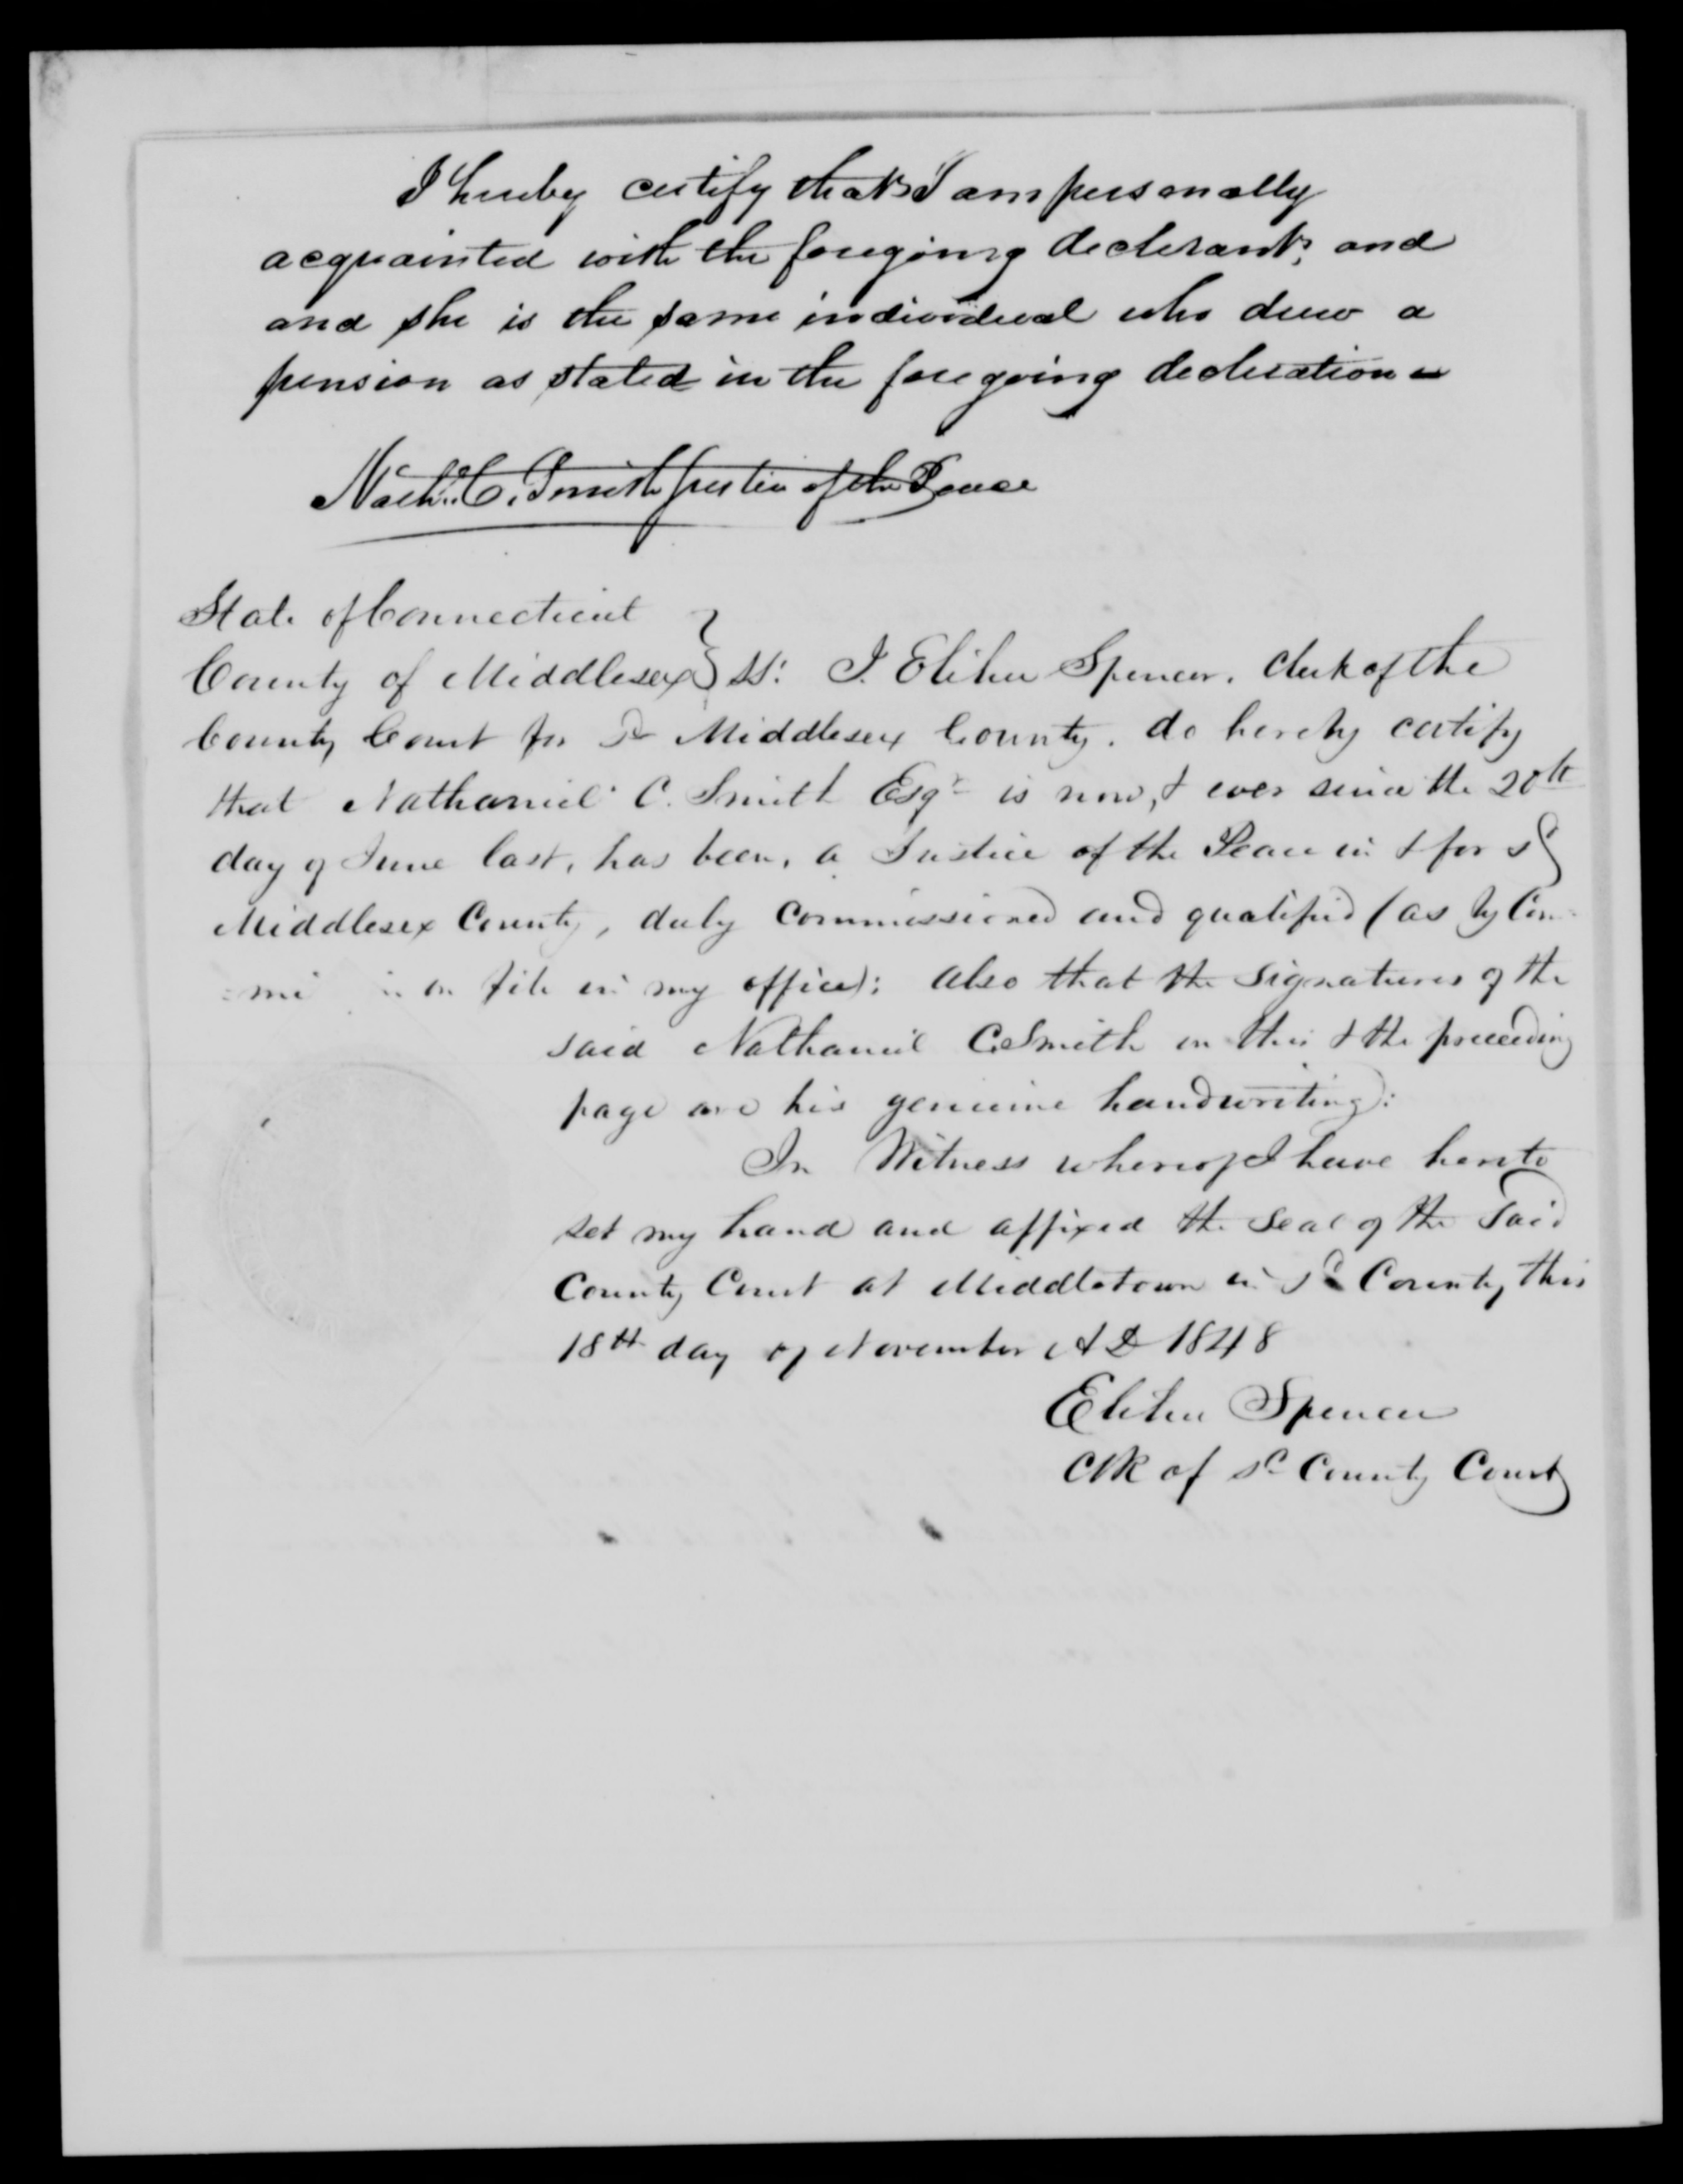I hereby certify that I am personally
acquainted with the foregoing declarant; and
and she is the same individual who drew a
pension as stated in the foregoing decliration
Nathl C. Smith Justice of the Peace

State of Connecticut
County of Middlesex } SS: I Elihu Spencer, Clerk of the
County Court for Middlesex County, do hereby certify
that Nathaniel C. Smith Esqr is now & ever since the 20th
day of June last, has been a Justice of the Peace in & for
Middlesex County, duly commissioned and qualified (as by
me on file in my office; Also that the signatures of the
said Nathaniel C. Smith in this & the preceeding
page are his genuine handwriting.
In Witness whereof I have hereto
set my hand and affixed the Seal of the said
County Court at Middletown in sd County this
18th day of November AD 1848
Elihu Spencer
Clk of sd County Court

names: Nathaniel C Smith, Elihu Spencer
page: 46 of 50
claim: widow's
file: W. 25,969, Philip White, Conn.